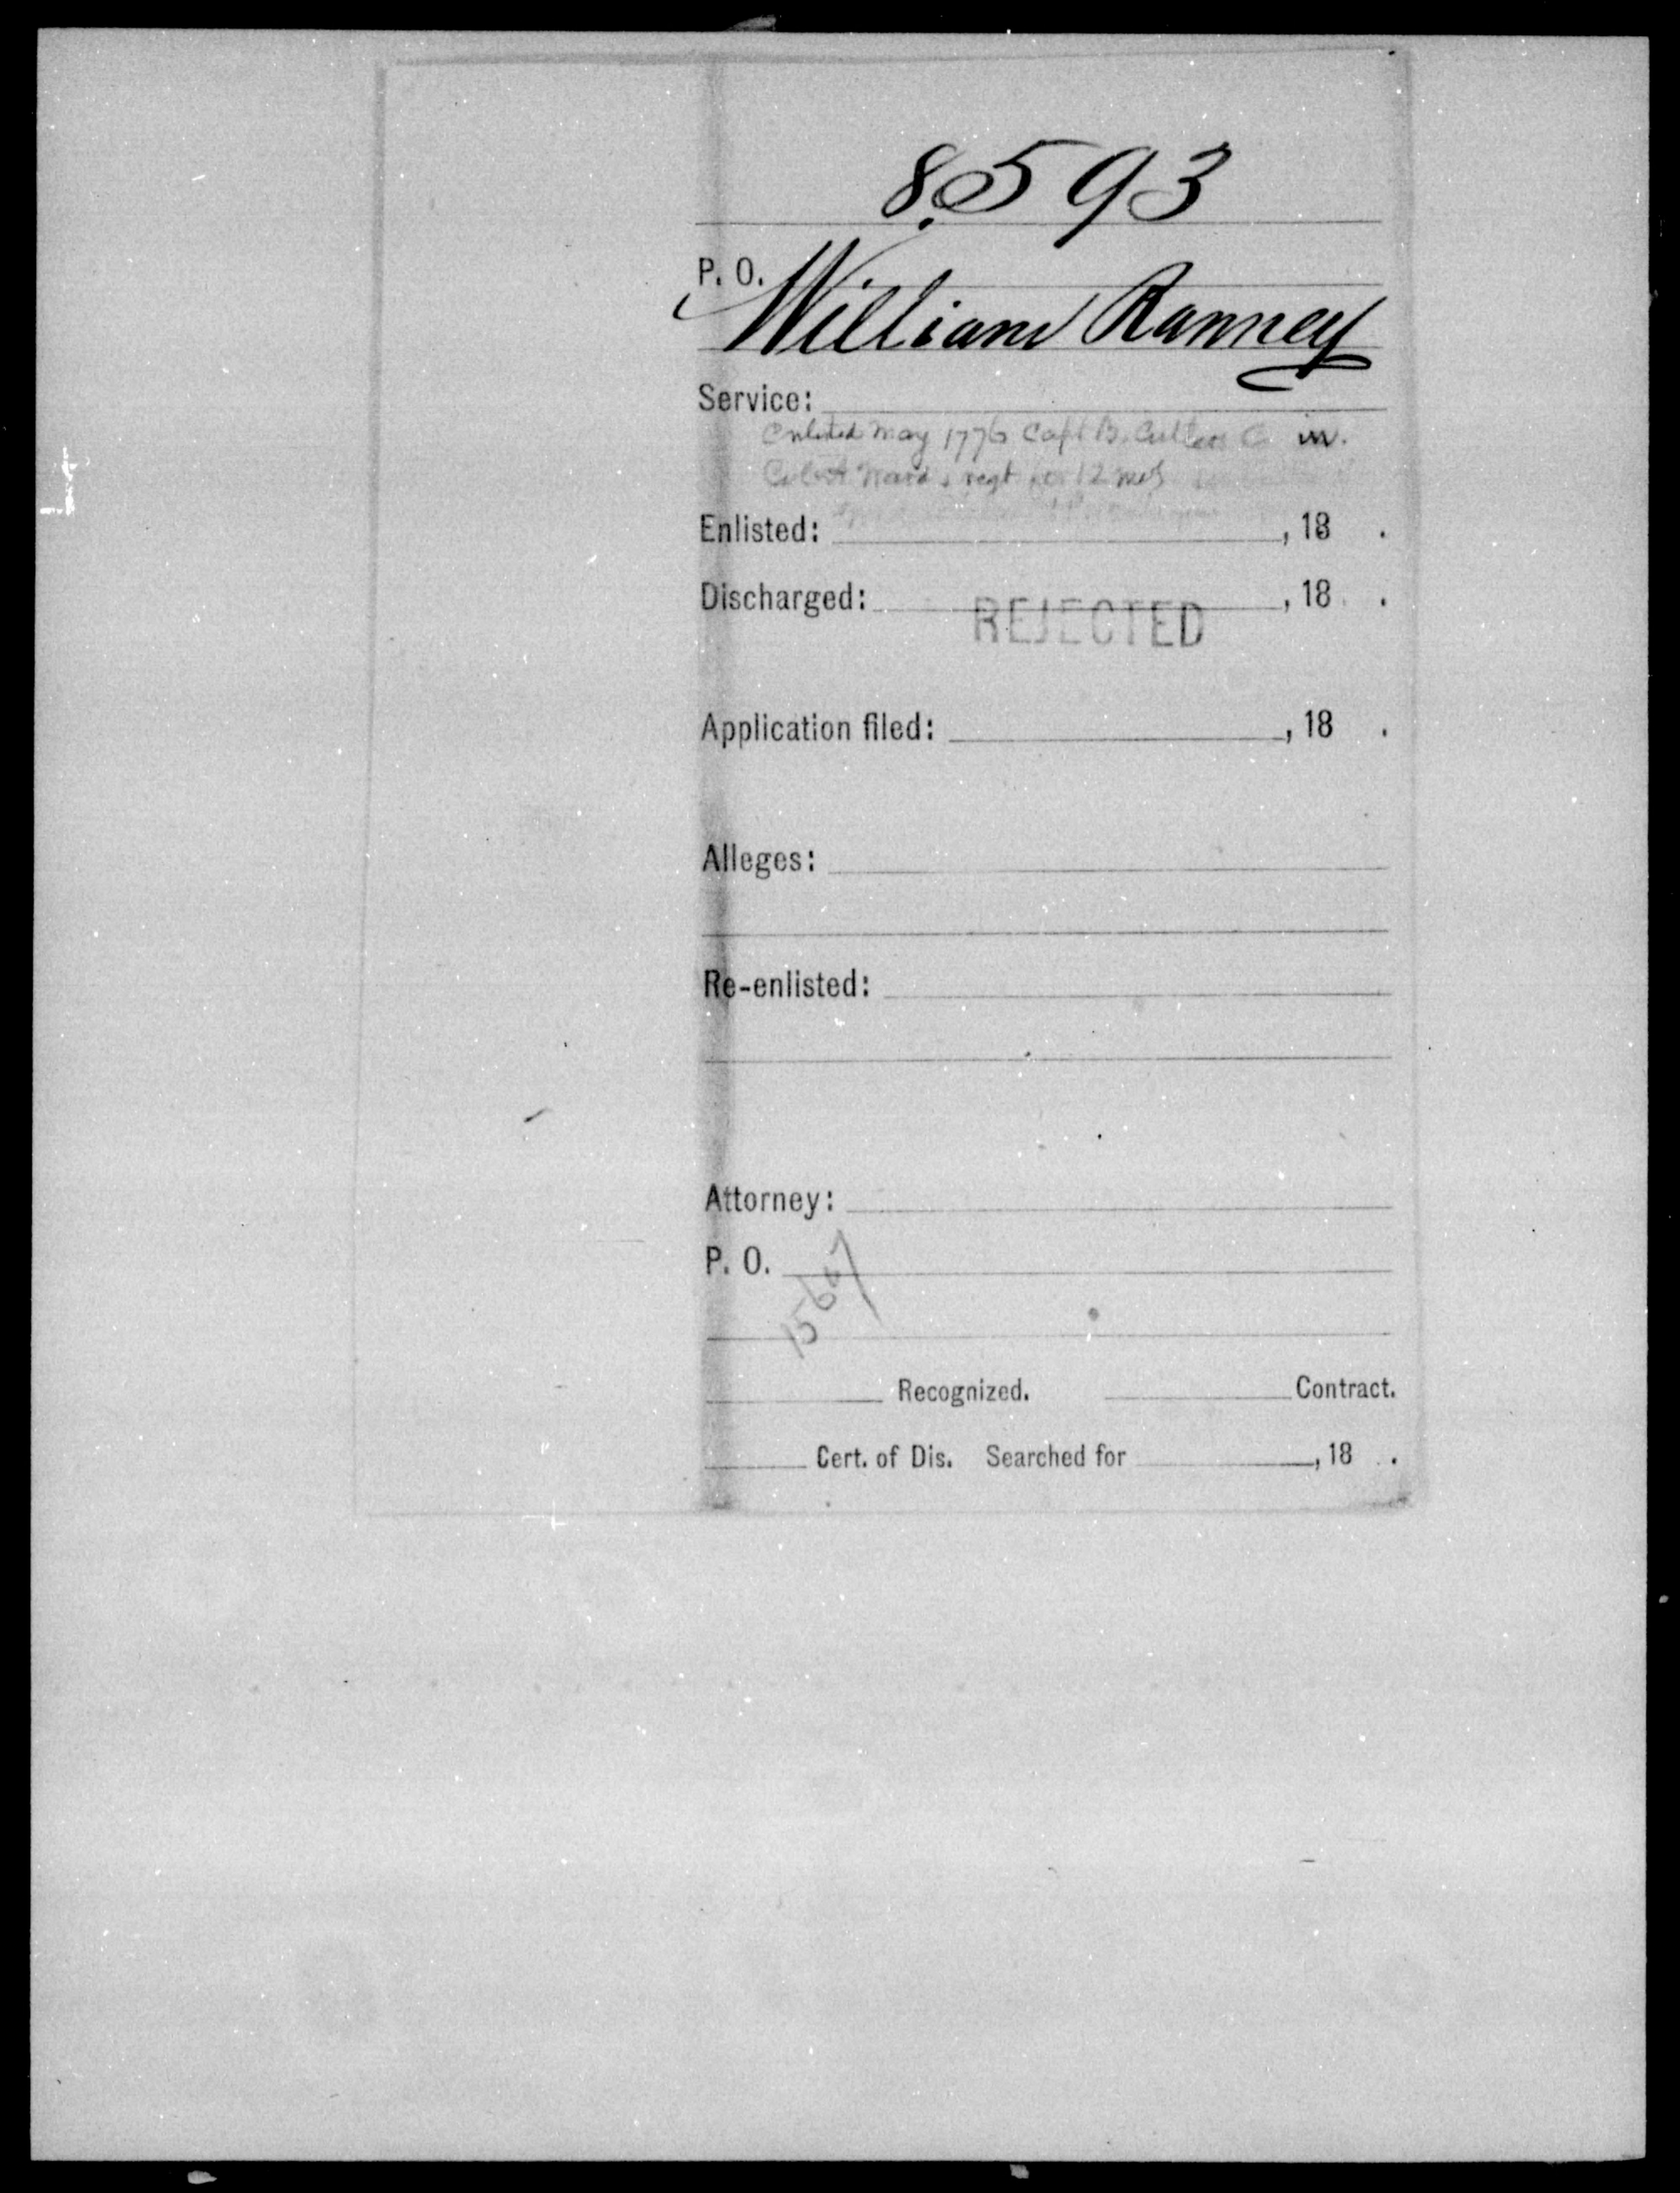8.593
P.O. [blank]
William Ranney
Service: enlisted May 1776 Capt [Captain] B Cutler Co. [Company]
Col [Colonel A. Ward's reg't [regiment] for 12 mos.
Enlisted: [blank], 18[blank]
Discharged: [blank], 18[blank]
REJECTED
Application filed: [blank], 18[blank]
Alleges: [blank]
Re-enlisted: [blank]
Attorney: [blank]
P.O. [blank]
156[illegible]7
[blank] Recognized [blank] Contract
[blank] Cert of Dis. 
Searched for [blank], 18[blank]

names: William Ranney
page: 6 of 12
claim: rejected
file: R. 8,593, for William Ranney, Connecticut